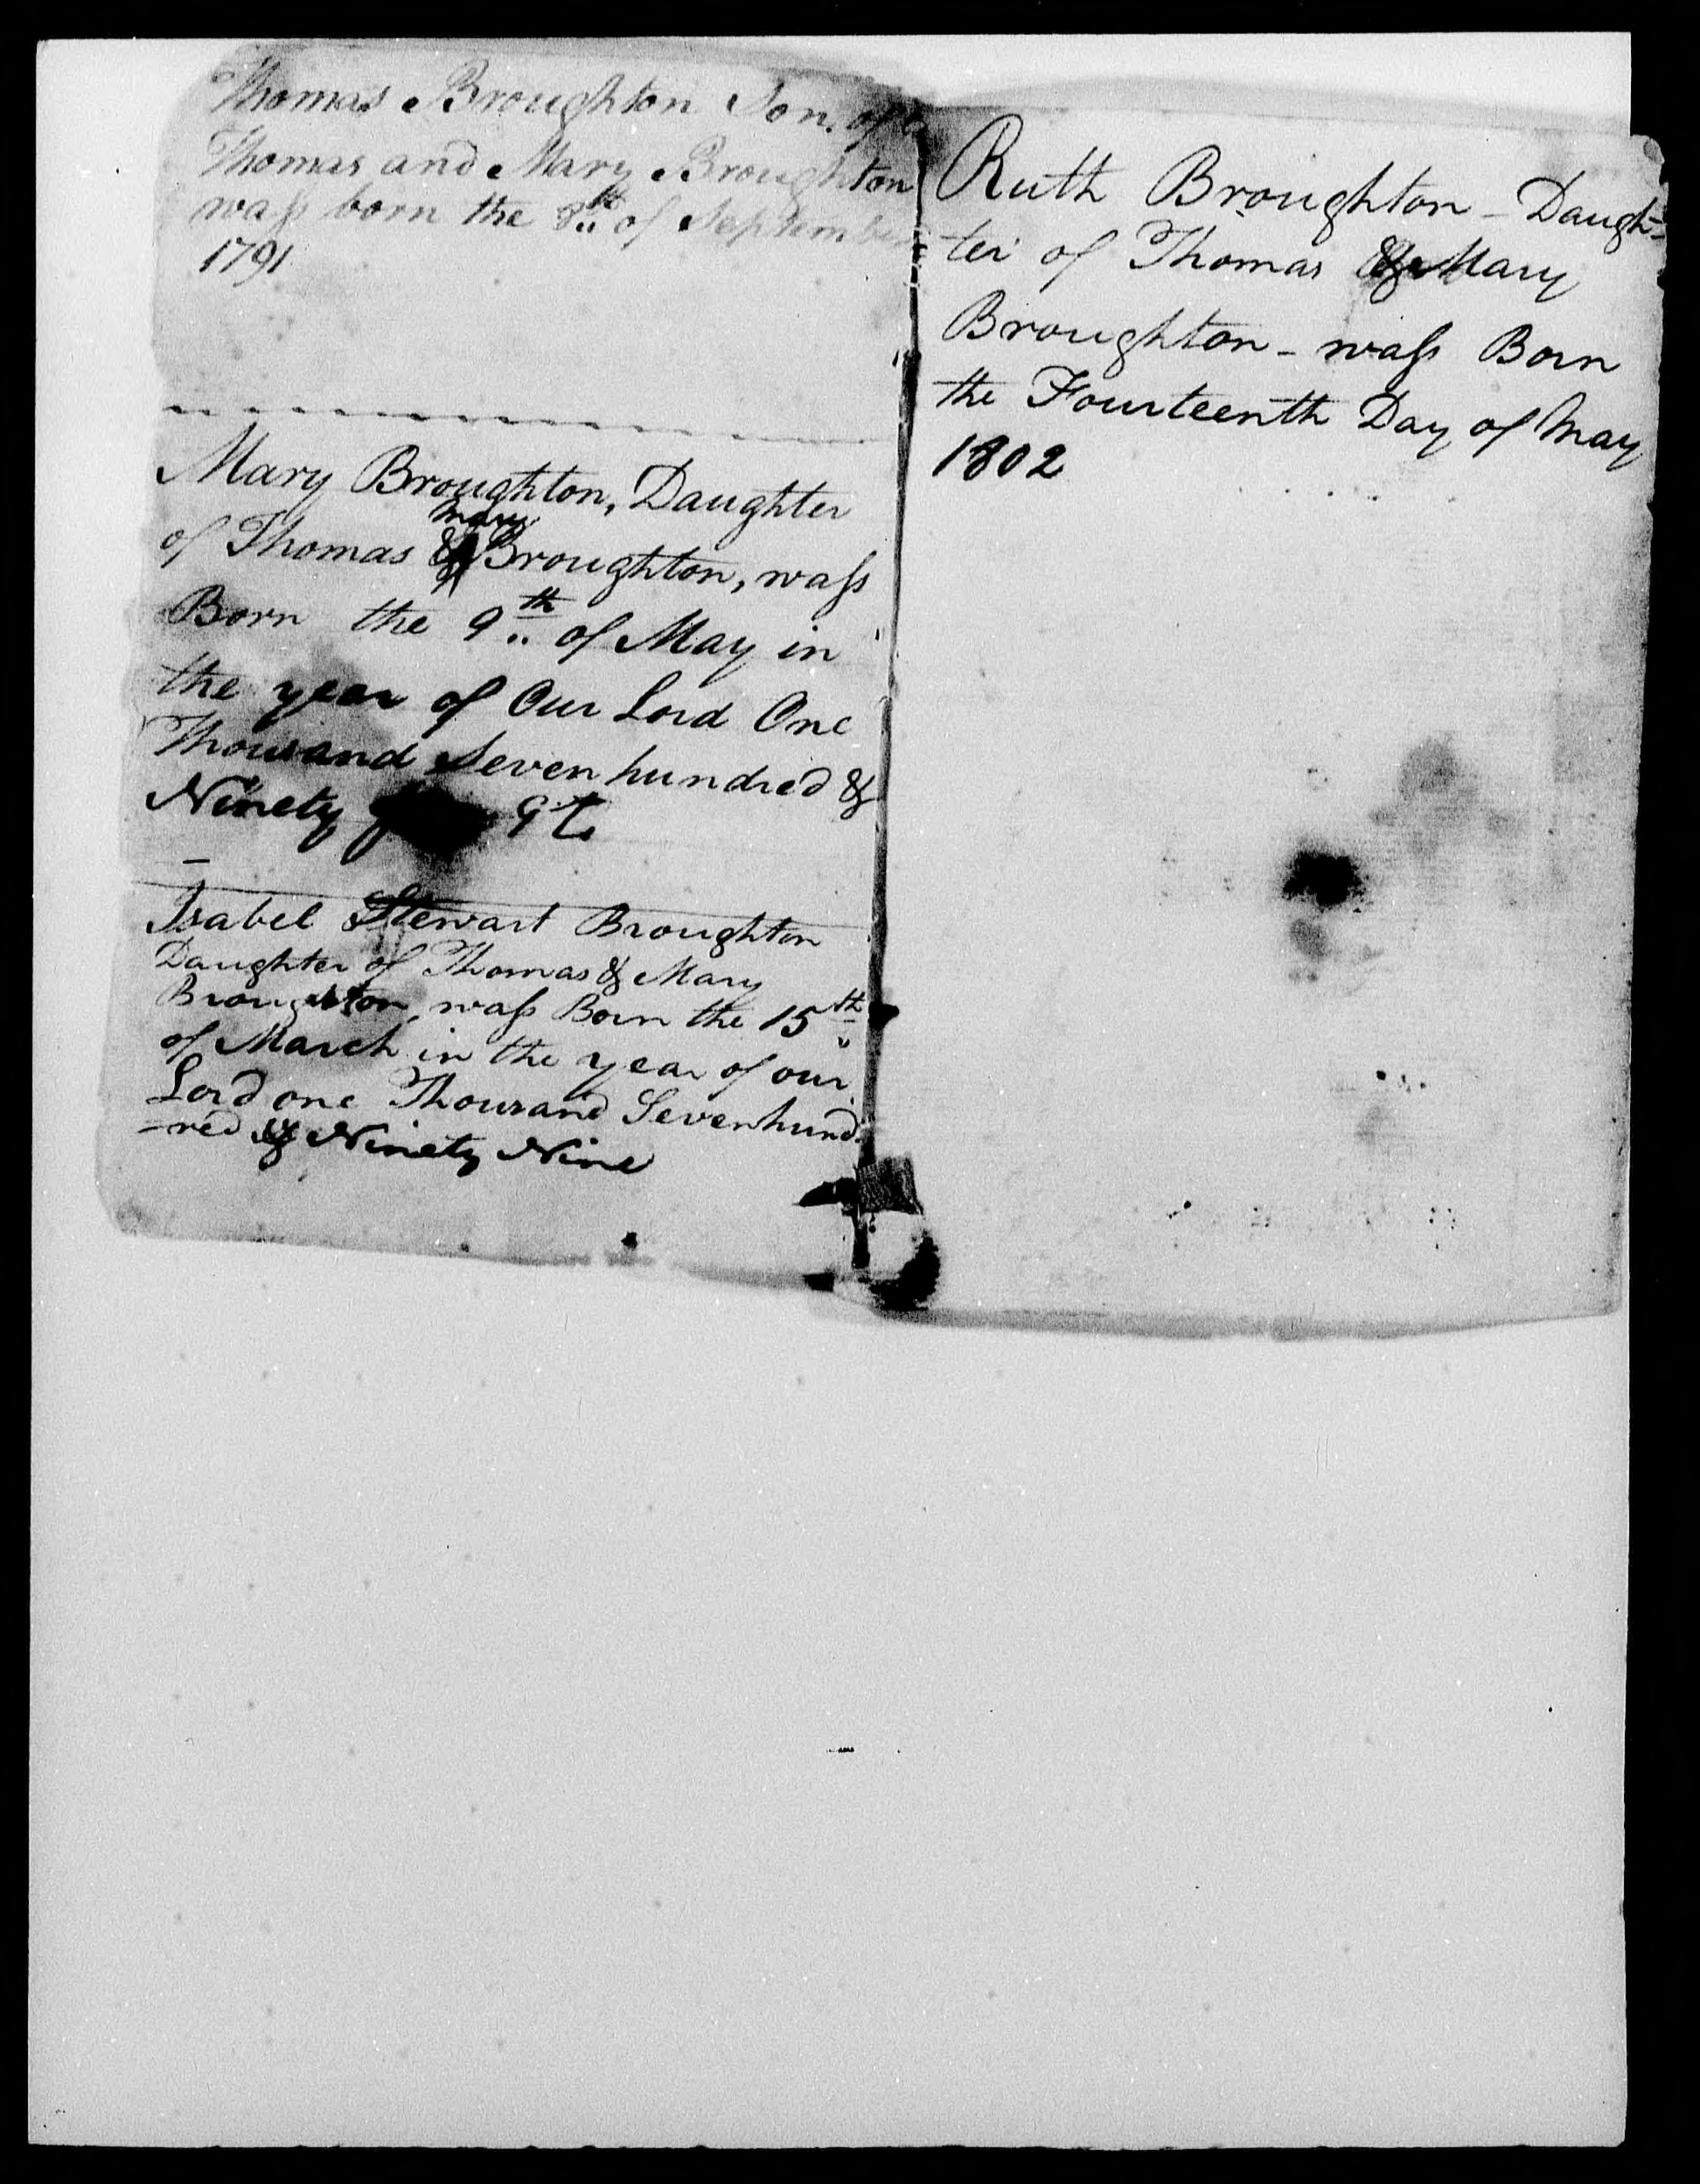Thomas Broughton Son of Thomas and Mary Broughton was born the 8th of September 1791 
Mary Broughton, Daughter of Thomas & Mary Broughton, was Born the 9th of May in the year of Our Lord One Thousand Seven hundred & Ninety [four] 
Isabel Stewart Broughton Daughter of Thomas & Mary Broughton, was Born the 15th of March in the year of our Lord one Thousand Seven hundred & Ninety Nine. 
Ruth Broughton Daughter of Thomas & Mary Broughton was Born the Fourteenth Day of May 1802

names: Isabel Stewart Broughton, Ruth Broughton, Mary Broughton, Thomas Broughton, Thomas Broughton, Thomas Broughton, Thomas Broughton, Thomas Broughton, Mary Broughton, Mary Broughton, Mary Broughton, Mary Broughton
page: 5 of 72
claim: widow's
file: W. 897, Thomas Broughton, S.C.